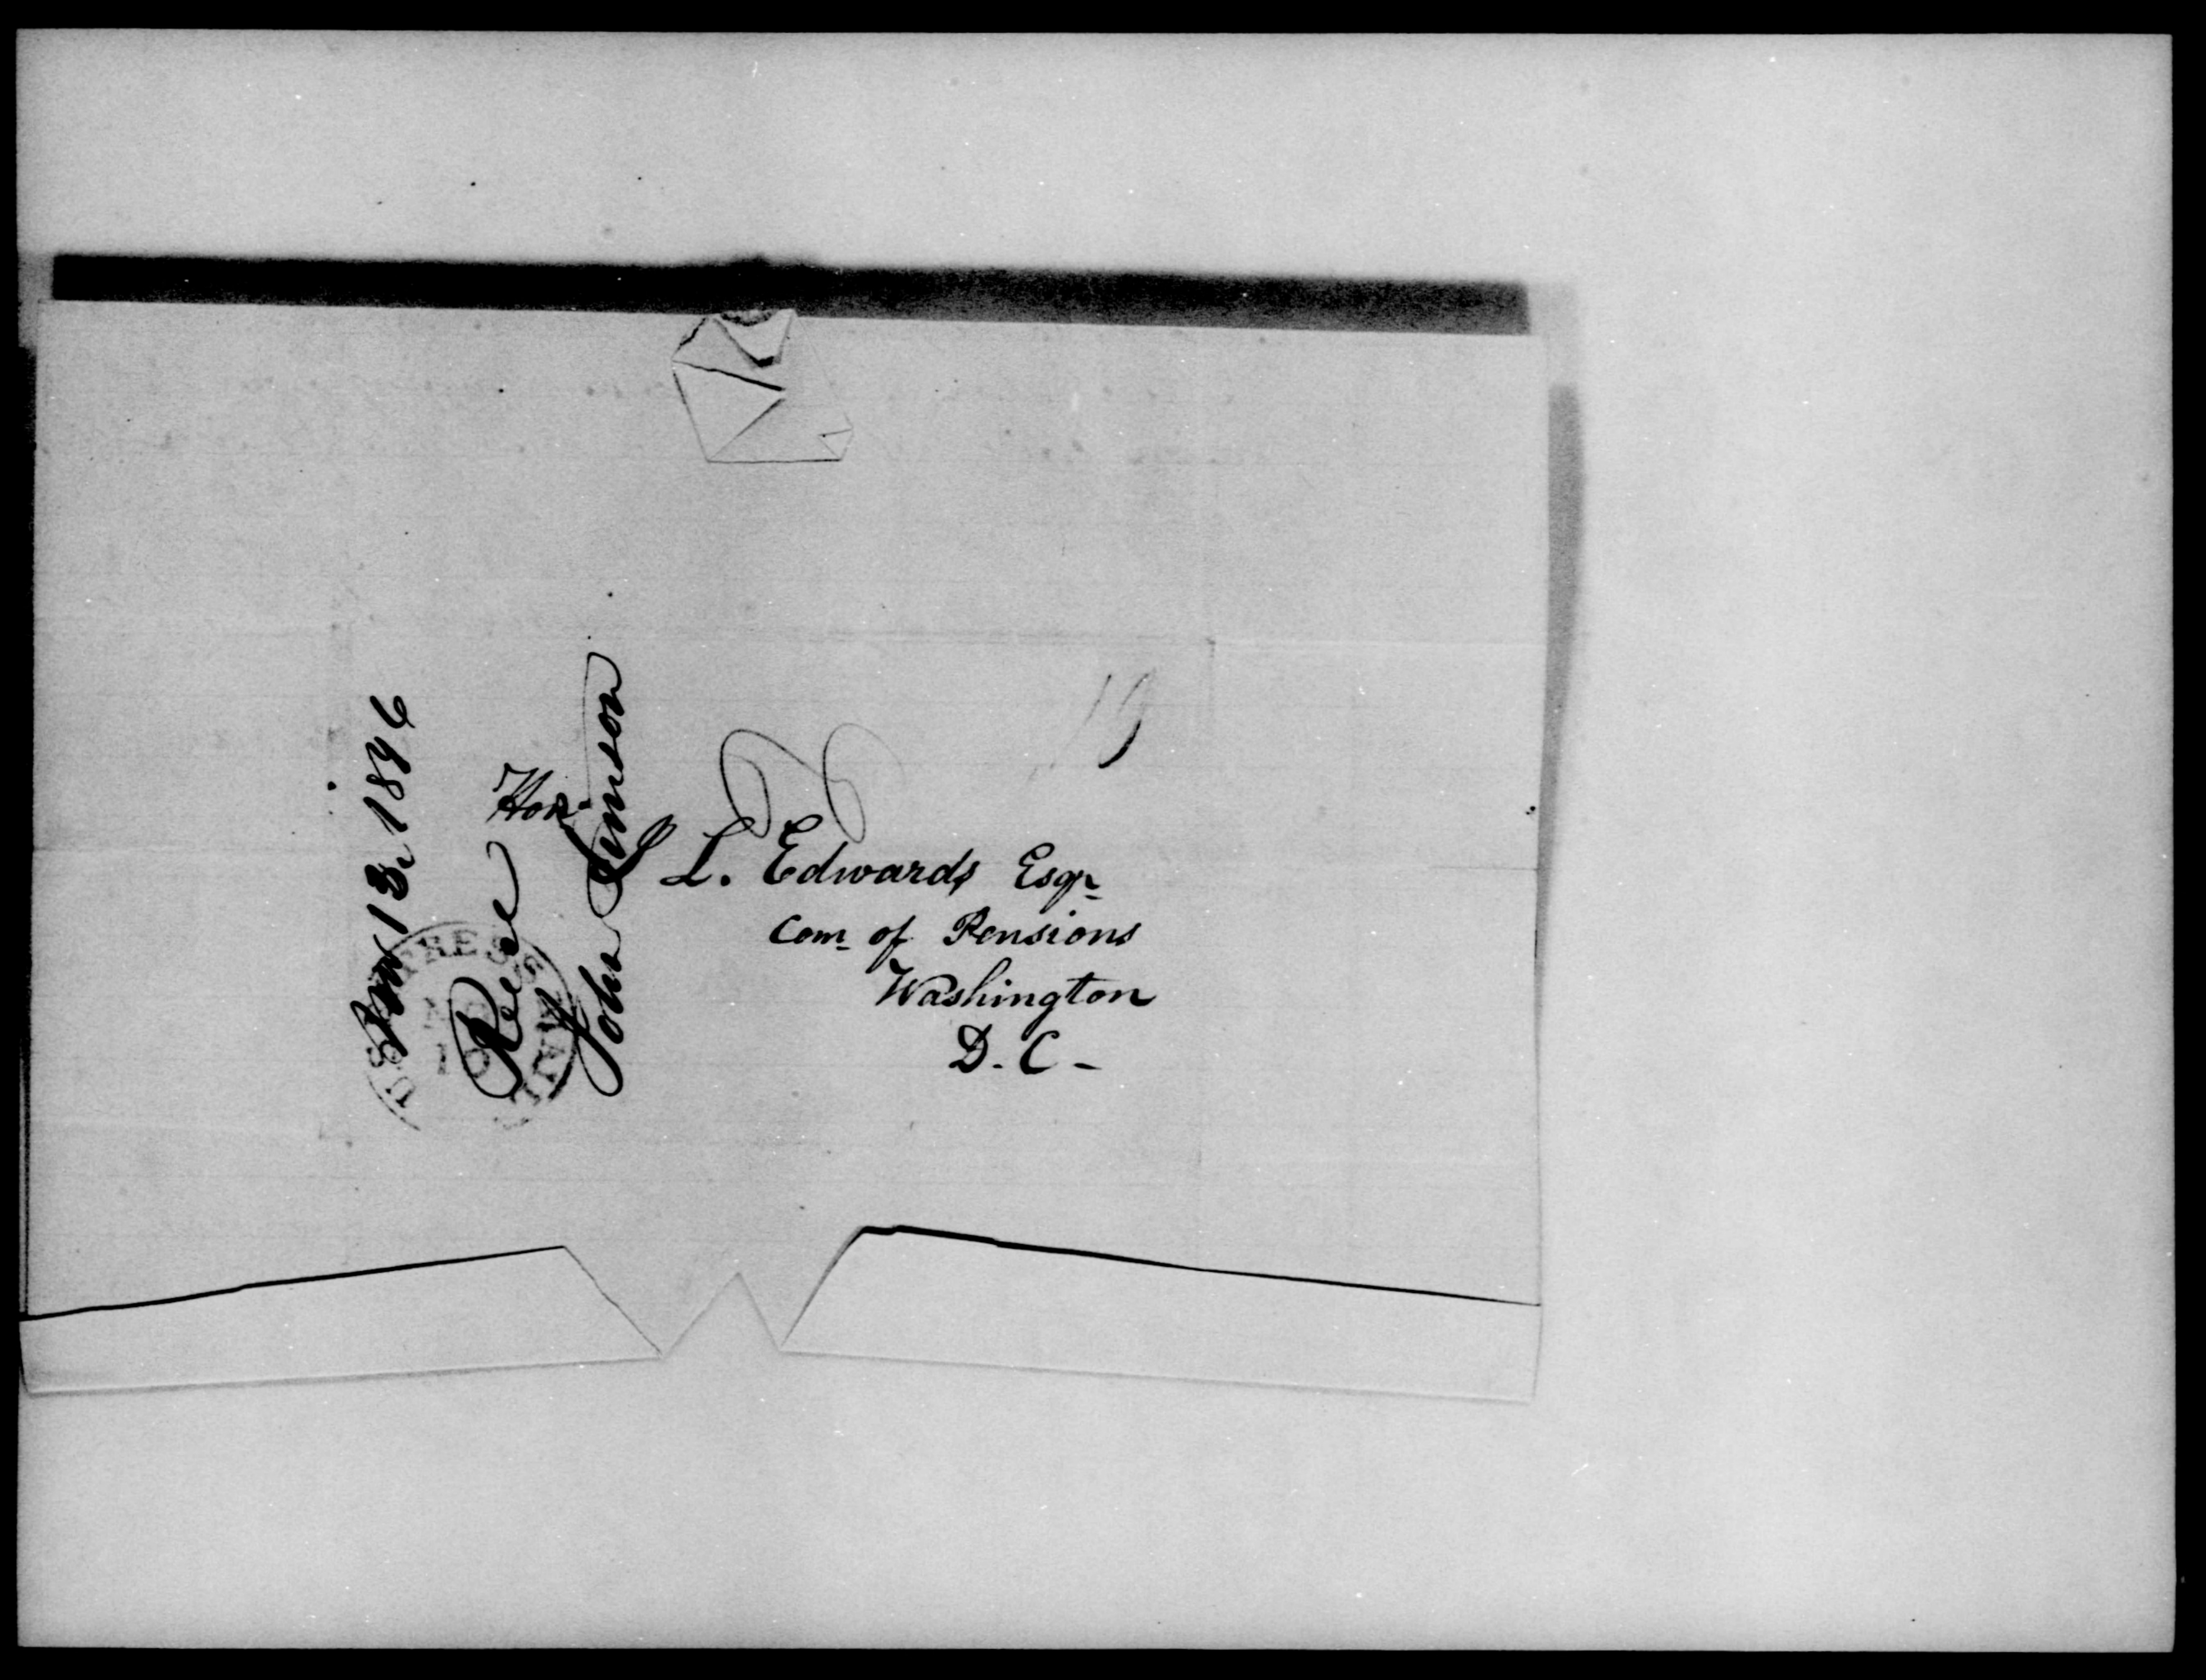Nov 13, 1846
Rec'd
John Simson
Hon, J. L. Edwards Esq
Com of Pensions
Washington
D.C.

[date stamp]
unreadable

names: J L Edwards; John Simson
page: 21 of 35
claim: rejected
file: R. 9601, for John Simson, New Jersey